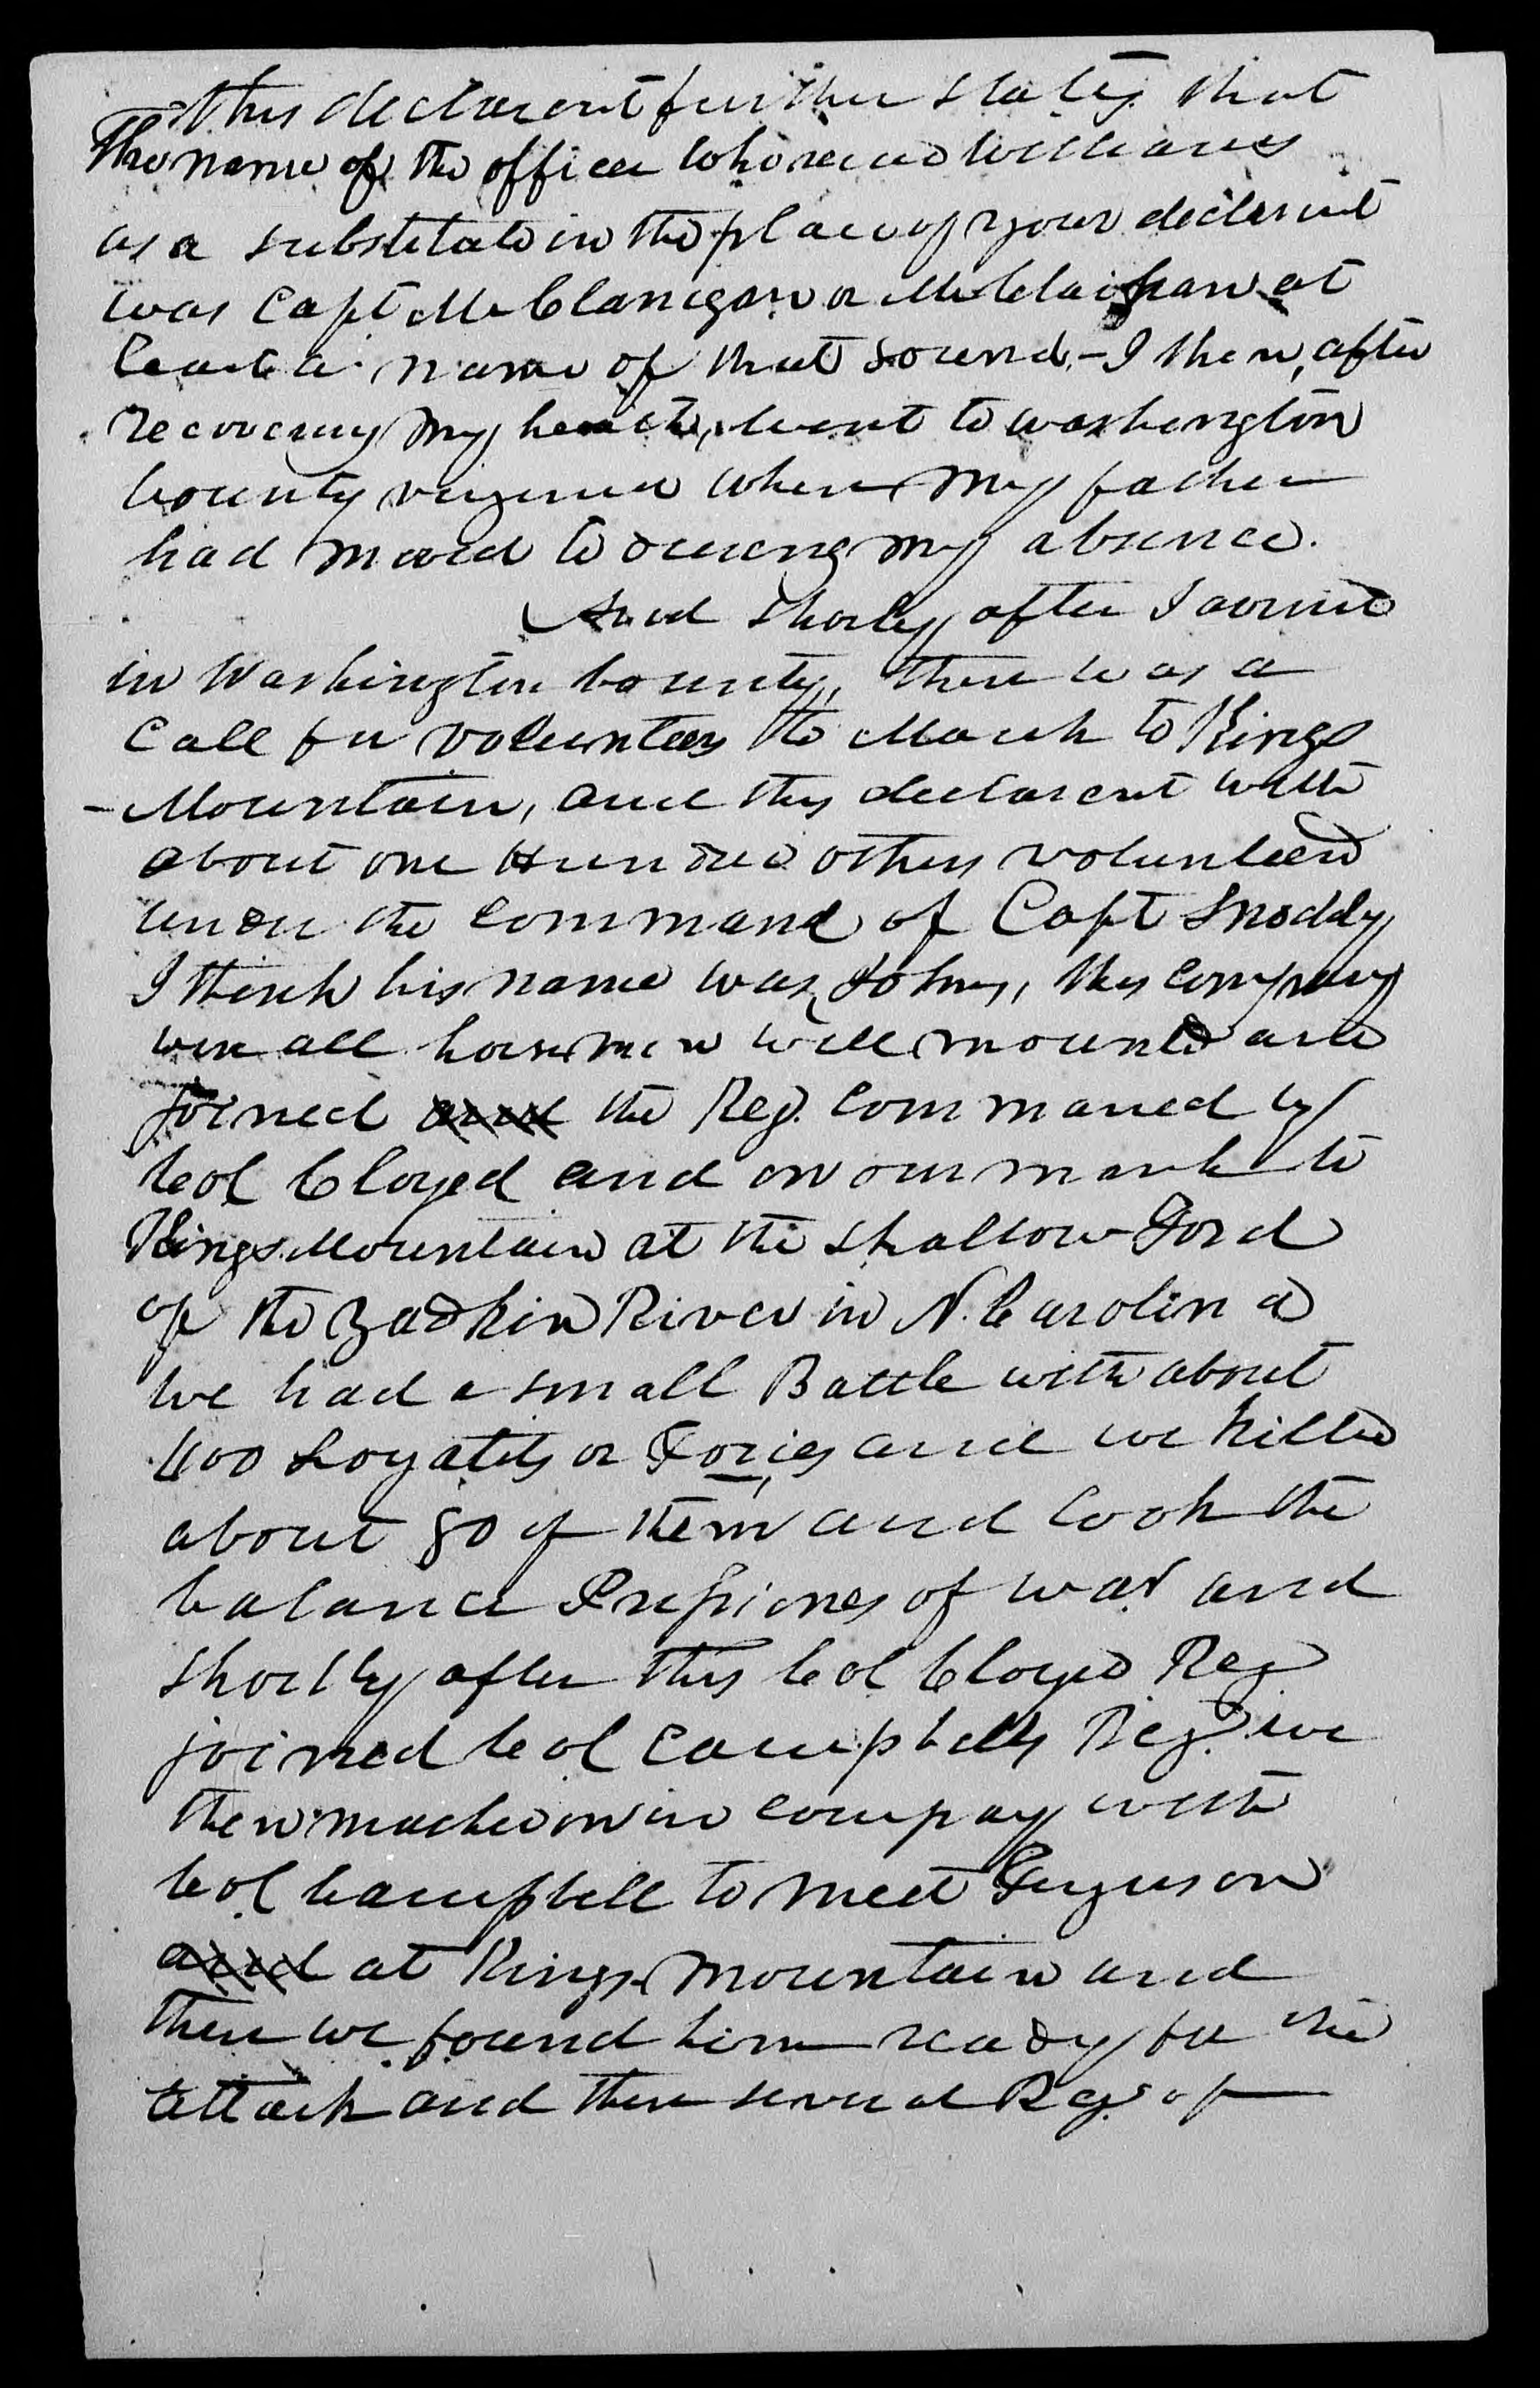This declarent further states that the name of the officer who recced Williams as a substitute in the place of your declarent was Capt McClanigan or McClaighan at least a name of that sound, - I then, after recovering my health, went to washington county virginia where my father had moved to during my absence.

And shortly after I arrived in Washington County, there was a call for volunteers to March to Kings Mountain, and this declarent with about one Hundred others volunteered under the command of Capt Snoddy, I think his name was Johns, this company were all horsemen well mounted and joined the Reg. commanded by Col Cloyed and on our mark to Kings Mountain at the shallow Ford of the Yadkin River in N. Carolina we had a small Battle with about 400 loyalists or forces and we killed about 80 of them and took the balance prissioner [prisoner] of war and shortly after this Col Cloyed Reg joined Col Campbell Reg we then marched on in company with Col Campbell to meet Ferguson [“and” crossed out] at Kings Mountain and there we found him ready for the attack and then several Regs of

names: Snoddy, Ferguson, Johns, Williams, Cloyed, Claighan, Campbell, Clanigan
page: 7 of 18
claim: survivor's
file: S. 15,846, James Fugate, Va.